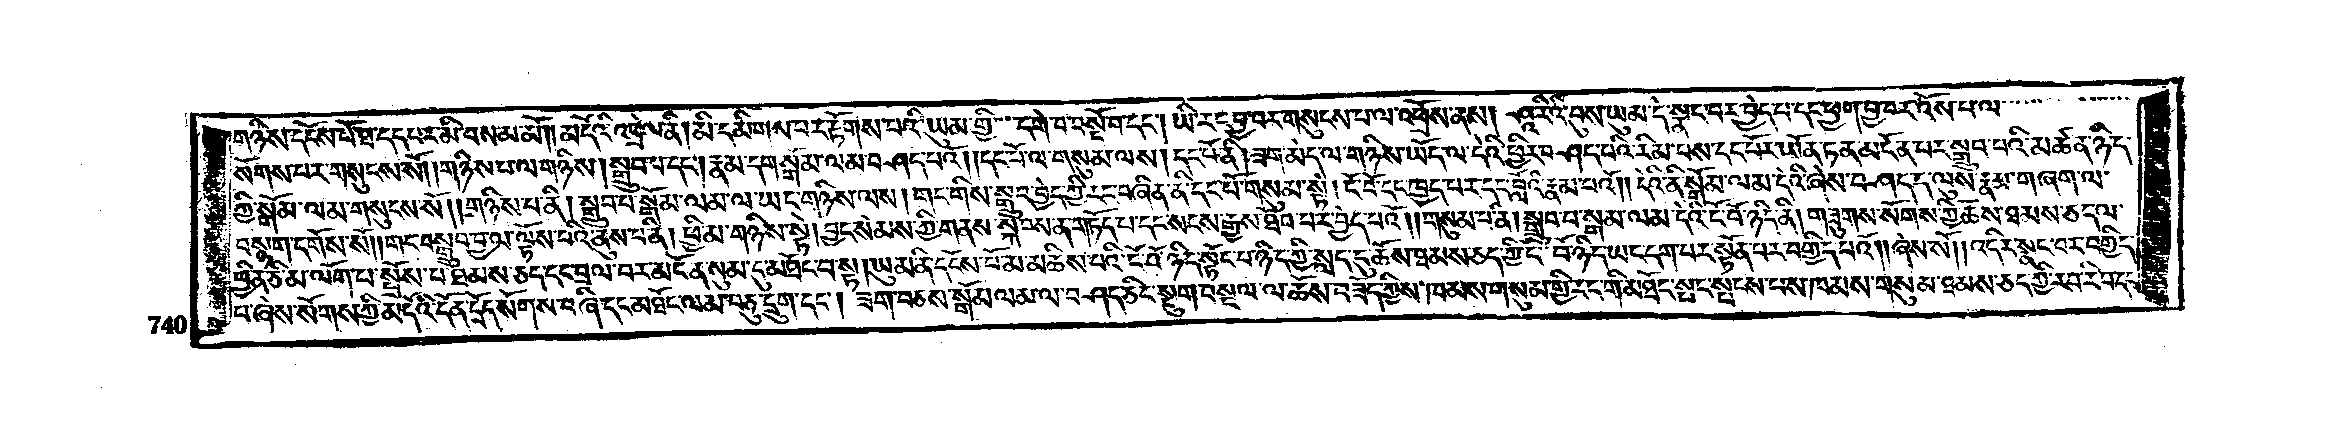གཉིས་དངོས་པོ་ཐ་དད་པར་མི་བསམ་མོ། །མདོའི་འབྲེལ་ནི། མི་དམིགས་པར་རྟོགས་པའི་ཡུམ་གྱི་དགེ་བ་བསྔོ་བ་དང་། ཡི་རང་བྱ་བར་གསུངས་པ་ལ་འཕྲོས་ནས། ཤཱ་རིའི་བུས་ཡུམ་དེ་སྣང་བར་བྱེད་པ་དང་ཕྱག་བྱ་བར་འོས་པ་ལ་
སོགས་པར་གསུངས་སོ། །གཉིས་པ་ལ་གཉིས། སྒྲུབ་པ་དང་། རྣམ་དག་སྒོམ་ལམ་བཤད་པའོ། །དང་པོ་ལ་གསུམ་ལས། དང་པོ་ནི། ཟག་མེད་ལ་གཉིས་ཡོད་ལ་དེའི་ཕྱིར་བཤད་པའི་རིམ་པས་དང་པོར་ཡོན་ཏན་མངོན་པར་སྒྲུབ་པའི་མཚན་ཉིད་
ཀྱི་སྒོམ་ལམ་གསུངས་སོ། །གཉིས་པ་ནི། སྒྲུབ་པ་སྒོམ་ལམ་ལ་ཡང་གཉིས་ལས། གང་གིས་སྒྲུབ་བྱེད་ཀྱི་རང་བཞིན་ནི་དང་པོ་གསུམ་སྟེ། ངོ་བོ་དང་ཁྱད་པར་དང་བློའི་རྣམ་པའོ། །དེའི་ནི་སྒོམ་ལམ་དེའི་ཞེས་བཤད་དེ་ལུས་རྣམ་གཞག་ལ་
བསྙག་དགོས་སོ། །གང་བསྒྲུབ་བྱ་ལ་ལྟོས་པའི་ནུས་པ་ནི། ཕྱི་མ་གཉིས་སྟེ། བྱང་སེམས་ཀྱི་གནས་སྐབས་ན་གཏོད་པ་དང་སངས་རྒྱས་ཐོབ་པར་བྱེད་པའོ། །གསུམ་པ་ནི། སྒྲུབ་པ་སྒོམ་ལམ་དེའི་ངོ་བོ་ཉིད་ནི། གཟུགས་སོགས་ཀྱི་ཆོས་ཐམས་ཅད་ལ་
ཕྱིན་ཅི་མ་ལོག་པ་སྤྲོས་པ་ཐམས་ཅད་དང་བྲལ་བར་མངོན་སུམ་དུ་མཐོང་བ་སྟེ། ཡུམ་ནི་དངོས་པོ་མ་མཆིས་པའི་ངོ་བོ་ཉིད་སྟོང་པ་ཉིད་ཀྱི་སླད་དུ་ཆོས་ཐམས་ཅད་ཀྱི་ངོ་བོ་ཉིད་ཡང་དག་པར་སྟོན་པར་བགྱིད་པའོ། །ཞེས་སོ། །འདིར་སྣང་བར་བགྱིད་
པ་ཞེས་སོགས་ཀྱི་མདོའི་དོན་དྲོད་སོགས་བཞི་དང་མཐོང་ལམ་བཅུ་དྲུག་དང་། ཟག་བཅས་སྒོམ་ལམ་ལ་བཤད་ཅིང་སྡུག་བསྔལ་ལ་ཆོས་བཟོད་ཀྱིས་ཁམས་གསུམ་གྱི་རང་གི་མཐོང་སྤང་སྤངས་པས་ཁམས་གསུམ་ཐམས་ཅད་ཀྱི་རབ་རིབ་དང་